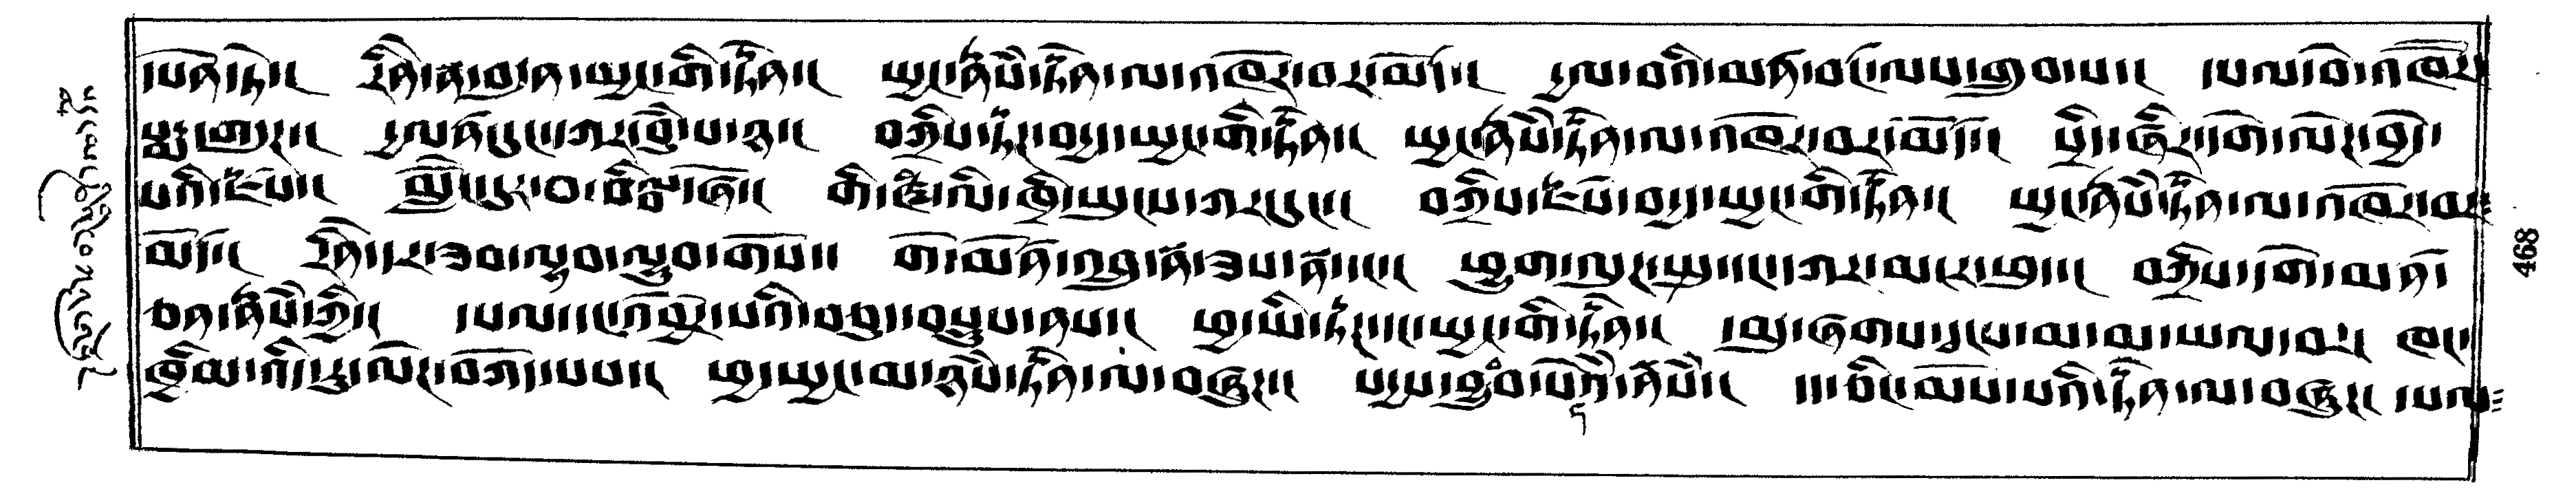དཔོན་ཏེ། །རིན་ཆེན་སྣ་བདུན་གཡང་གི་རྟེན། །གཡང་རྣམས་རྟེན་ལ་འཁོར་བར་མཛོད། །རྒྱལ་བའི་མཚན་བཟང་ལས་གྲུབ་པ། །དཔལ་བེའུ་འཁོར་ལོ་
པདྨ་གདུགས། །རྒྱལ་མཚན་དུང་དཀར་བུམ་པ་ཉ། །བཀྲ་ཤིས་རྟགས་བརྒྱད་གཡང་གི་རྟེན། །གཡང་རྣམས་རྟེན་ལ་འཁོར་བར་མཛོད། །སྲིད་ཞིར་དགེ་ལེགས་བྱེད་
པའི་རྫས། །མེ་ལཽང་དུར་བ་བིལྦ་ཞོ། །གི་ཝཾ་ལི་ཁྲི་ཡུངས་དཀར་དུང་། །བཀྲ་ཤིས་རྫས་བརྒྱད་གཡང་གི་རྟེན། །གཡང་རྣམས་རྟེན་ལ་འཁོར་བར་
མཛོད། །རིན་ཆེན་དར་ཟབ་ལྷབ་ལྷུབ་གོས། །གོ་མཚོན་འབྲུ་སྣ་ཟས་སྣ་དང་། །ཕྱུགས་ལུག་སྤུ་དང་དཀར་མངར་ཕུད། །བཀྲ་ཤིས་དགེ་མཚན་
ཅན་རྣམས་ཀྱི། །དཔལ་དང་འབྱོར་པའི་བཅུད་བསྡུས་ནས། །ཕྱྭ་ཡི་རྟགས་དང་གཡང་གི་རྟེན། །དམུ་ཞགས་དྭངས་མ་མ་ཡལ་བར།ཁང་
ཁྱིམ་འདི་རུ་ལེགས་བཀོད་པས། །ཕྱྭ་གཡང་མ་ཉམས་རྟེན་ལ་བཞུགས། །སངས་རྒྱས་བྱང་ཆུབ་སེམས་དཔའ་རྣམས། །དད་ཅིང་མོས་པའི་རྟེན་ལ་བཞུགས། དཔལ་